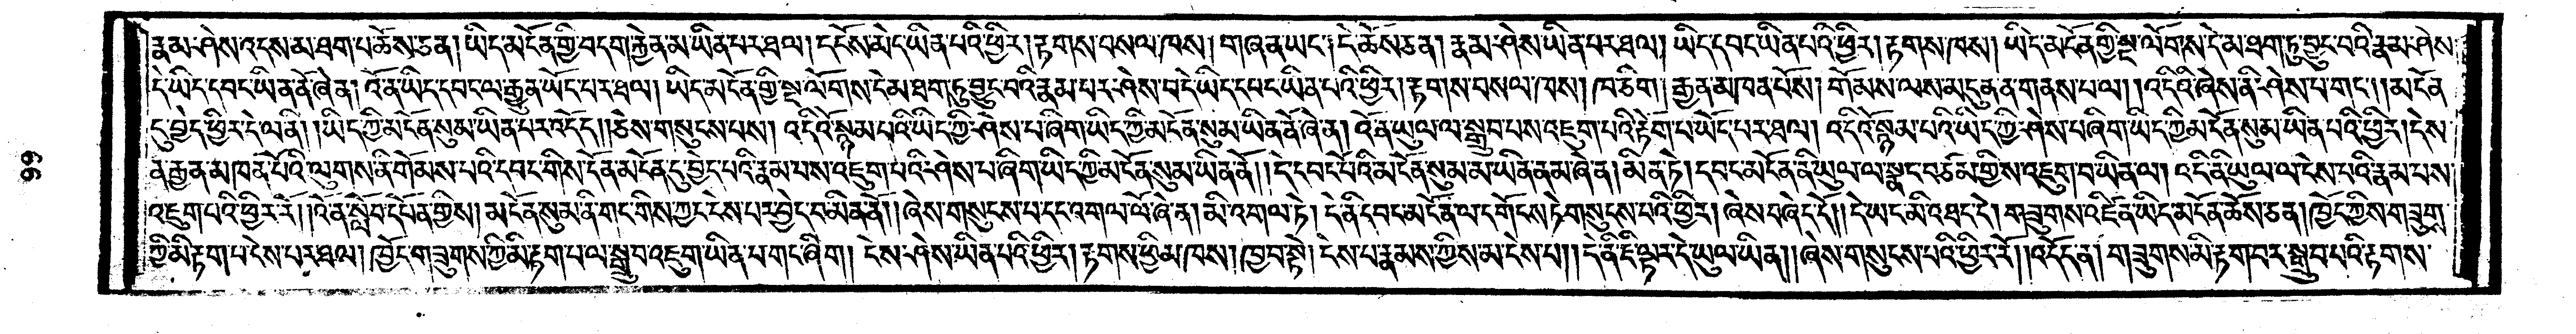རྣམ་ཤེས་འདས་མ་ཐག་པ་ཆོས་ཅན། ཡིད་མངོན་གྱི་བདག་རྐྱེན་མ་ཡིན་པར་ཐལ། དངོས་མེད་ཡིན་པའི་ཕྱིར། རྟགས་བསལ་བས། གཞན་ཡང་། དེ་ཆོས་ཅན། རྣམ་ཤེས་ཡིན་པར་ཐལ། ཡིད་དབང་ཡིན་པའི་ཕྱིར། རྟགས་ཁས། ཡིད་མངོན་གྱི་སྔ་ལོགས་དེ་མ་ཐག་ཏུ་བྱུང་བའི་རྣམ་ཤེས་
དེ་ཡིད་དབང་ཡིན་ནོ་ཞེ་ན། འོ་ན་ཡིད་དབང་ལ་རྒྱུན་ཡོད་པར་ཐལ། ཡིད་མངོན་གྱི་སྔ་ལོགས་དེ་མ་ཐག་ཏུ་བྱུང་བའི་རྣམ་པར་ཤེས་པ་དེ་ཡིད་དབང་ཡིན་པའི་ཕྱིར། རྟགས་བསལ་ཁས། ཁ་ཅིག །རྒྱན་མཁན་པོས། གོམས་ལས་མདུན་ན་གནས་པ་ལ། །འདིའོ་ཞེས་ནི་ཤེས་པ་གང་། །མངོན་
དུ་བྱེད་ཕྱིར་དེ་ལ་ནི། །ཡིད་ཀྱི་མངོན་སུམ་ཡིན་པར་འདོད། །ཅེས་གསུངས་པས། འདིའོ་སྙམ་པའི་ཡིད་ཀྱི་ཤེས་པ་ཞིག་ཡིད་ཀྱི་མངོན་སུམ་ཡིན་ནོ་ཞེ་ན། འོ་ན་ཡུལ་ལ་སྒྲུབ་པས་འཇུག་པའི་རྟོག་པ་ཡོད་པར་ཐལ། འདིའོ་སྙམ་པའི་ཡིད་ཀྱི་ཤེས་པ་ཞིག་ཡིད་ཀྱི་མངོན་སུམ་ཡིན་པའི་ཕྱིར། དེས་
ན་རྒྱན་མཁན་པོའི་ལུགས་ནི་གོམས་པའི་དབང་གིས་དོན་མངོན་དུ་བྱེད་པའི་རྣམ་པས་འཇུག་པའི་ཤེས་པ་ཞིག་ཡིད་ཀྱི་མངོན་སུམ་ཡིན་ནོ། །དེ་དབང་པོའི་མངོན་སུམ་མ་ཡིན་ནམ་ཞེ་ན། མིན་ཏེ། དབང་མངོན་ནི་ཡུལ་ལ་སྣང་བ་ཙམ་གྱིས་འཇུག་པ་ཡིན་ལ། འདི་ནི་ཡུལ་ལ་ངེས་པའི་རྣམ་པས་
འཇུག་པའི་ཕྱིར་རོ། །འོ་ན་སློབ་དཔོན་གྱིས། མངོན་སུམ་ནི་གང་གིས་ཀྱང་ངེས་པར་བྱེད་པ་མིན་ནོ། །ཞེས་གསུངས་པ་དང་འགལ་ལོ་ཞེ་ན། མི་འགལ་ཏེ། དེ་ནི་དབང་མངོན་ལ་དགོངས་ཏེ་གསུངས་པའི་ཕྱིར། ཞེས་བཞེད་དོ། །དེ་ཡང་མི་འཐད་དེ། གཟུགས་འཛིན་ཡིད་མངོན་ཆོས་ཅན། ཁྱོད་ཀྱིས་གཟུགས་
ཀྱི་མི་རྟག་པ་ངེས་པར་ཐལ། ཁྱོད་གཟུགས་ཀྱི་མི་རྟག་པ་ལ་སྒྲུབ་འཇུག་ཡིན་པ་གང་ཞིག །ངེས་ཤེས་ཡིན་པའི་ཕྱིར། རྟགས་ཕྱི་མ་ཁས། ཁྱབ་སྟེ། ངེས་པ་རྣམས་ཀྱིས་མ་ངེས་པ། །དེ་ནི་ཇི་ལྟར་དེ་ཡུལ་ཡིན། །ཞེས་གསུངས་པའི་ཕྱིར་རོ། །འདོད་ན། གཟུགས་མི་རྟག་པར་སྒྲུབ་པའི་རྟགས་